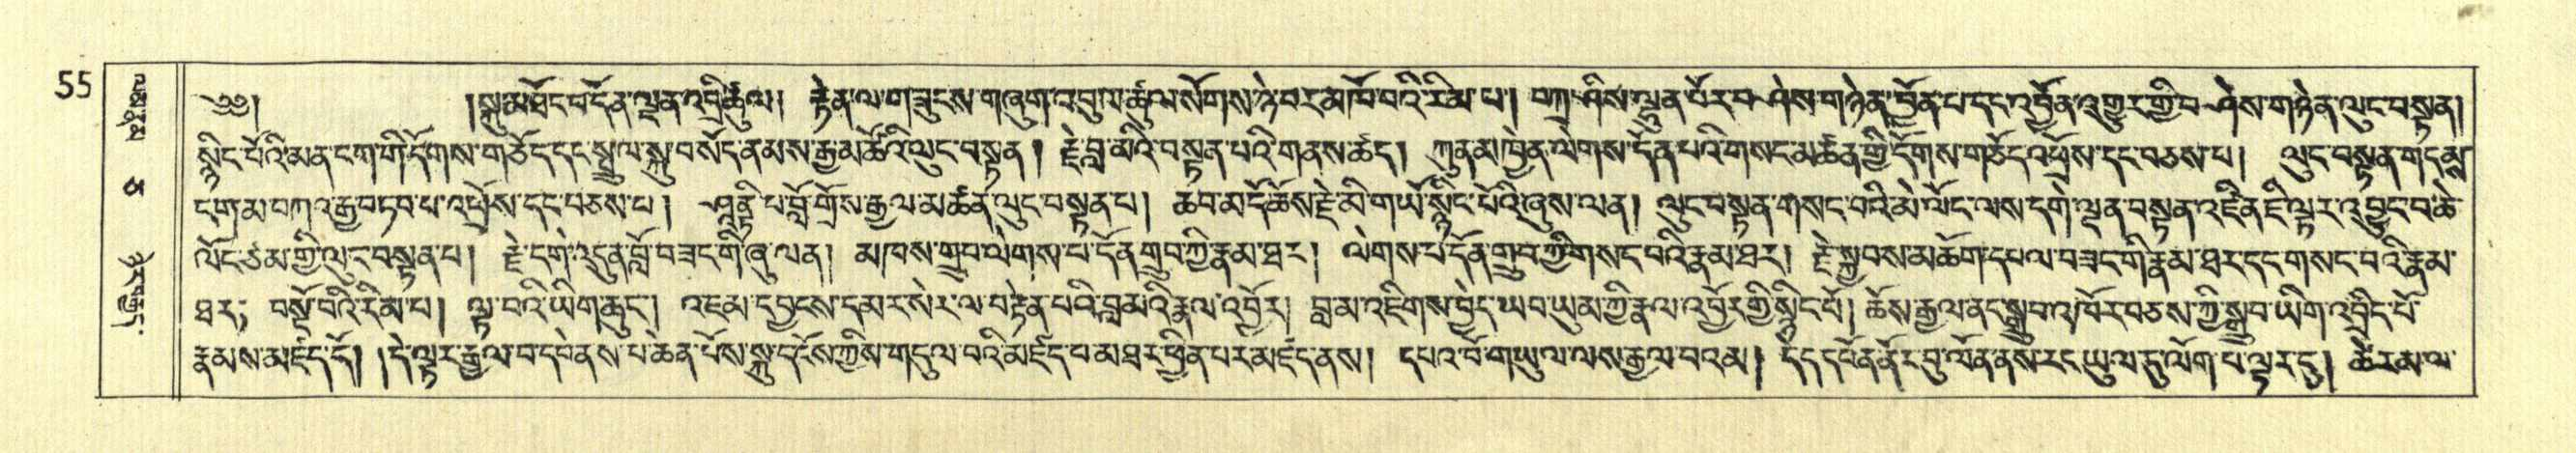༄༅། །སྐུ་མཐོང་བ་དོན་ལྡན་འབྲི་ཚུལ། རྟེན་ལ་གཟུངས་གཞུག་འབུལ་ཚུལ་སོགས་ཉེ་བར་མཐོ་བའི་རིམ་པ། བཀྲ་ཤིས་ལྷུན་པོར་བཤེས་གཉེན་བྱོན་པ་དང་འབྱོན་འགྱུར་གྱི་བཤེས་གཉེན་ལུང་བསྟན།
སྙིང་པོའི་མན་ངག་གི་དོགས་གཅོད་དང་སྤྲུལ་སྐུ་བསོད་ནམས་རྒྱ་མཚོའི་ལུང་བསྟན། རྗེ་བླ་མའི་བསྟན་པའི་གནས་ཚད། ཀུན་མཁྱེན་ལེགས་དོན་པའི་གསང་མཚན་གྱི་དོགས་གཅོད་འཕྲོས་དང་བཅས་པ། ལུང་བསྟན་གདམས་
ངག་མ་བཀའ་རྒྱ་བཏབ་པ་འཕྲོས་དང་བཅས་པ། ཤཱནྟི་པ་བློ་གྲོས་རྒྱལ་མཚན་ལུང་བསྟན་པ། ཆབ་མདོ་ཆོས་རྗེ་མི་གཡོ་སྙིང་པོའི་ཞུས་ལན། ལུང་བསྟན་གསང་བའི་མེ་ལོང་ལས་དགེ་ལྡན་བསྟན་འཛིན་ཇི་ལྟར་འབྱུང་བ་ཆེ་
ལོང་ཙམ་གྱི་ལུང་བསྟན་པ། རྗེ་དགེ་འདུན་བློ་བཟང་གི་ཞུ་ལན། མཁས་གྲུབ་ལེགས་པ་དོན་གྲུབ་ཀྱི་རྣམ་ཐར། ལེགས་པ་དོན་གྲུབ་ཀྱི་གསང་བའི་རྣམ་ཐར། རྗེ་སྐྱབས་མཆོག་དཔལ་བཟང་གི་རྣམ་ཐར་དང་གསང་བའི་རྣམ་
ཐར༑ བསྔོ་བའི་རིམ་པ། ལྟ་བའི་ཡིག་ཆུང་། འཇམ་དབྱངས་དམར་སེར་ལ་བརྟེན་པའི་བླ་མའི་རྣལ་འབྱོར། བླ་མ་འཇིགས་བྱེད་ཡབ་ཡུམ་གྱི་རྣལ་འབྱོར་གྱི་སྙིང་པོ། ཆོས་རྒྱལ་ནང་སྒྲུབ་འཁོར་བཅས་ཀྱི་སྒྲུབ་ཡིག་འབྲིང་པོ་
རྣམས་མཛད་དོ། །དེ་ལྟར་རྒྱལ་བ་དབེན་ས་པ་ཆེན་པོས་སྐུ་དངོས་ཀྱིས་གདུལ་བའི་མཛད་པ་མཐར་ཕྱིན་པར་མཛད་ནས། དཔའ་བོ་གཡུལ་ལས་རྒྱལ་བའམ། དད་དཔོན་ནོར་བུ་ལོན་ནས་རང་ཡུལ་དུ་ལོག་པ་ལྟར་དུ། ཚེ་རམ་ལ་